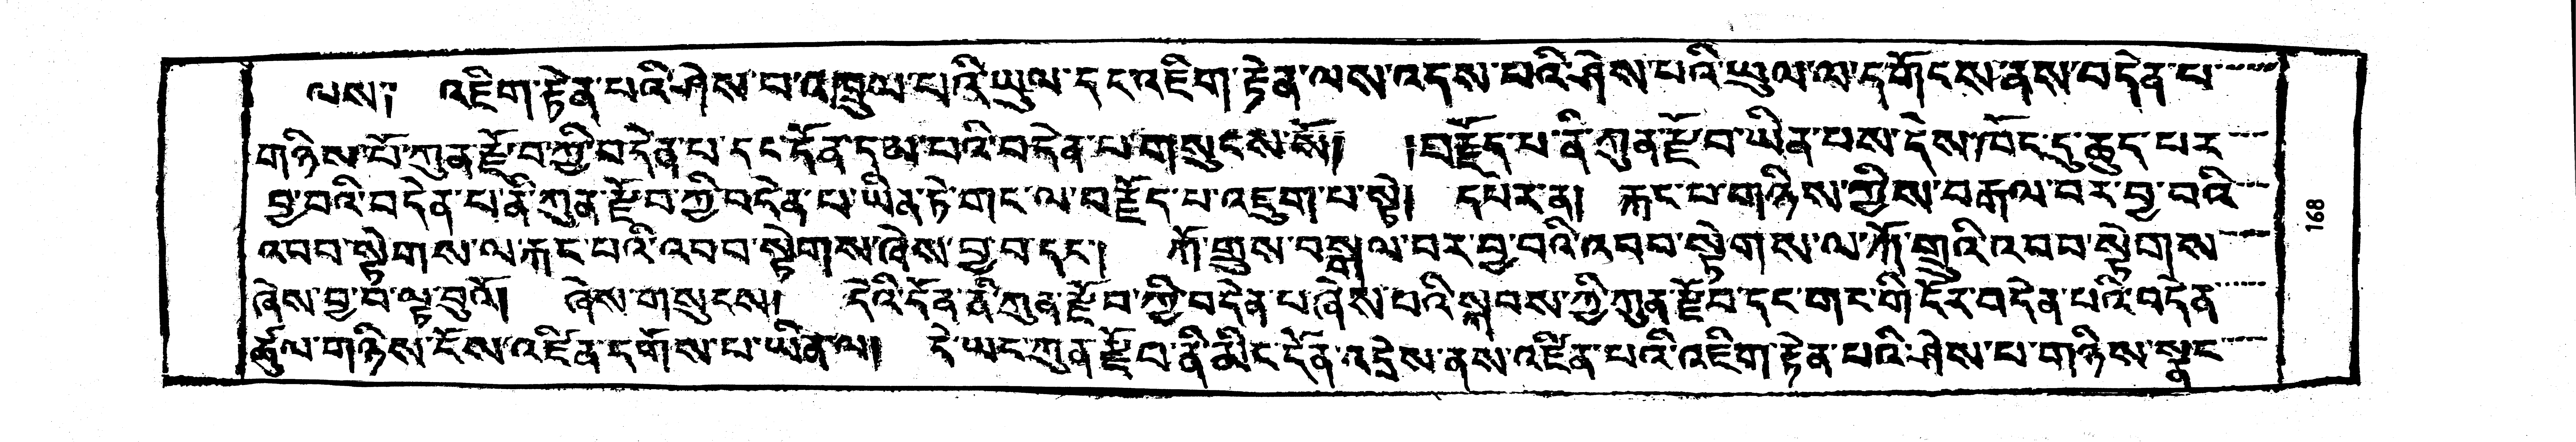ལས། འཇིག་རྟེན་པའི་ཤེས་པ་འཁྲུལ་པའི་ཡུལ་དང་འཇིག་རྟེན་ལས་འདས་པའི་ཤེས་པའི་ཡུལ་ལ་དགོངས་ནས་བདེན་པ་
གཉིས་པོ་ཀུན་རྫོབ་ཀྱི་བདེན་པ་དང་དོན་དམ་པའི་བདེན་པ་གསུངས་སོ། །བརྗོད་པ་ནི་ཀུན་རྫོབ་ཡིན་པས་དེས་ཁོང་དུ་ཆུད་པར་
བྱ་བའི་བདེན་པ་ནི་ཀུན་རྫོབ་ཀྱི་བདེན་པ་ཡིན་ཏེ་གང་ལ་བརྗོད་པ་འཇུག་པ་སྟེ། དཔེར་ན། རྐང་པ་གཉིས་ཀྱིས་བརྒལ་བར་བྱ་བའི་
འབབ་སྟེགས་ལ་རྐང་པའི་འབབ་སྟེགས་ཞེས་བྱ་བ་དང་། ཀོ་གྲུས་བསྒལ་བར་བྱ་བའི་འབབ་སྟེགས་ལ་ཀོ་གྲུའི་འབབ་སྟེགས་
ཞེས་བྱ་བ་ལྟ་བུའོ། ཞེས་གསུངས། དེའི་དོན་ནི་ཀུན་རྫོབ་ཀྱི་བདེན་པ་ཞེས་པའི་སྐབས་ཀྱི་ཀུན་རྫོབ་དང་གང་གི་ངོར་བདེན་པའི་བདེན་
ཚུལ་གཉིས་ངོས་འཛིན་དགོས་པ་ཡིན་ལ། དེ་ཡང་ཀུན་རྫོབ་ནི་མིང་དོན་འདྲེས་ནས་འཛིན་པའི་འཇིག་རྟེན་པའི་ཤེས་པ་གཉིས་སྣང་